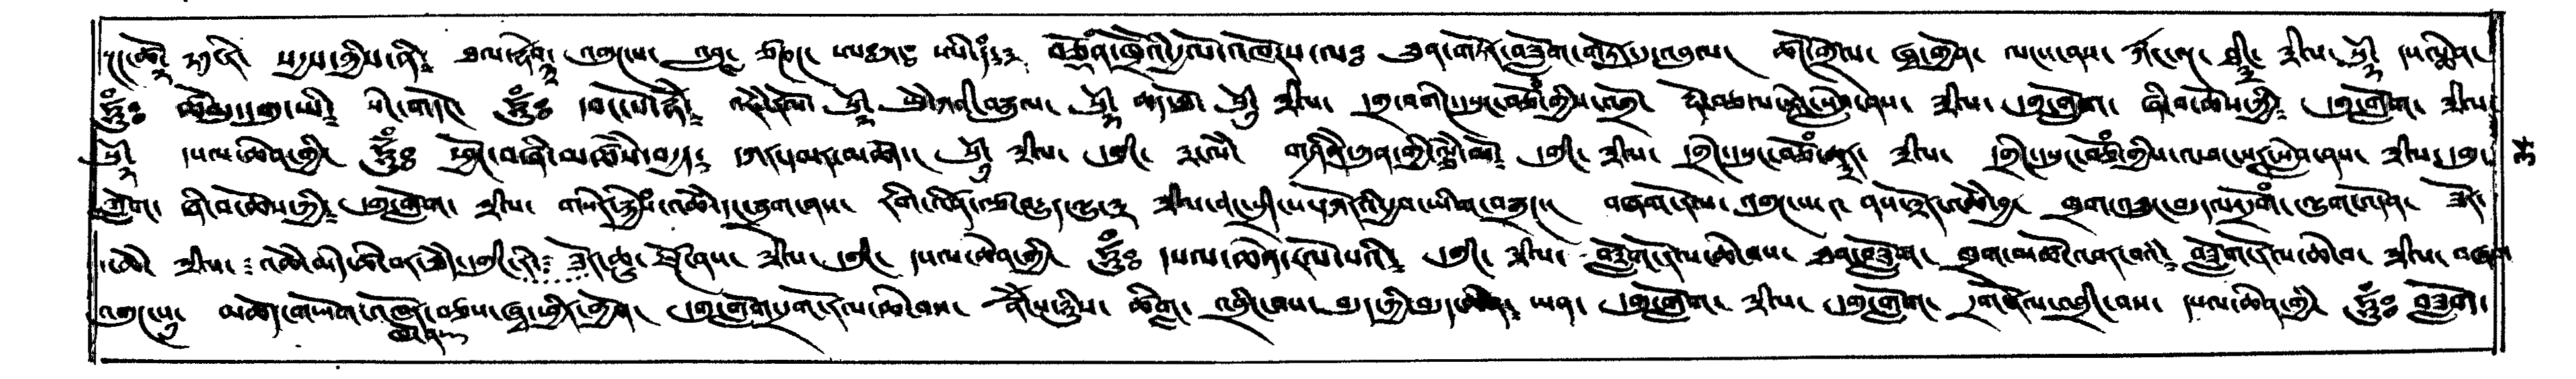སྔགས་ཚོ་གཉིས། ཉེར་གཅིག་རེ། སངས་རྒྱས་ཀྱིས་ནི༴ ཐལ་རྡེབ་གསུམ། འགུགས་པ། འབྲུ་བཞི། ཙཎྜ༴ ཨཿཀཿ ཨི་དཾ༴ གསུམ། བཅོམ་ལྡན་ཁྲོ་བོའྀ་རྒྱལ་པོ་འཁོར་བཅས་ལཿ ཐུན་གཏོར་བཟློག་གཏོར་དུ་འབུལ། ཚོགས་གྲོལ། ཞྭ་གྱེན། ལངས་ནས། རྐང་ལྔ། ཐིང་གསུམ། ཟིལ། སུམ་གཉིས། དཔལ་ཆེན། 
ཧཱུྃཿ ཚོམ་བུ་དགུ་ཡི༴ སེང་གདོང་། ཧཱུྃཿ དབང་པོ་རྡོ་རྗེ༴ འཇམ་རོལ། སུམ་གཉིས། ཡུམ་ཀའི་བསྐུལ། སུམ་གཉིས། ཆད་ཐོ། སུམ་གཅིག ཟིལ། དགྲ་བགེགས་དཔུང་བཅོམ་གྱིས་འགྲོ། རྡོ་བཅལ་སྟེང་སླེབ་ནས། ཟིལ། དགུ་གློག། ཞི་བ་ཆོས་ཀྱི༴ དགུ་གློག་ཟིལ། 
སུམ་གཉིས། དཔལ་ཆེན་གྱི། ཧཱུྃ༔ ཕྱོགས་བཞི་མཚམས་བརྒྱད༴ དཀར་དམར་མཆོད སུམ་གཅིག ཟིལ། དགུ་ཐིང་། ཟ་ལམ། གཤིན་རྗེ་ཀུན་གྱི་ལྕམ་མོ༴ དགུ་ཐིང་། ཟིལ། དགྲ་བགེགས་དཔུང་བཅོམ་ཚར་གསུམ། ཟིལ། དགྲ་བགེགས་དཔུང་བཅོམ་གྱིས་འཕང་སར་སླེབ་ནས། ཟིལ་དགུ་
གློག ཞི་བ་ཆོས་ཀྱི༴ དགུ་གློག ཟིལ། གསེར་སྐྱེམས་འཆམས་དང་སྦྲགས་ནས། རིག་འཛིན་རྩ་བརྒྱུད་ལྷུ་གསུམ། ཟིལ་ནང་སྲིད་པ་འཁོར་ལོའི་རྒྱབ་ཡིག་བསྒྲགས། བཞག་རོལ། འ གུགས་པ་བཞི་ནས་ཟོར་འཆམས་བྱ། ཁྲག་འཐུང་བདུད་དལ་དྲག་མོ༴ ལྷུག་འདོན། ཟོར་
འཆམས། ཟིལ། འཆམས་མེད་ཚེ་བར་ཐམས་ཅད་དགུ་ཐིང་རེ༴ཟེར་འཆམས་རྫོགས་ནས། ཟིལ། དགུ་ཐིང་། དཔལ་ཆེན་གྱི། ཧཱུྃཿ དཔལ་ཆེན་རོལ་པའི༴ དགུ་ཐིང་། ཟིལ། བཟློག་རོལ་ཆེ་བས་ཐན་བཟློག ཁྲག་མཚོ་འབར་བའི༴ བཟློག་རོལ་ཆེ་བ་། ཟིལ་བཞག 
འགུགས་པ་གཅིག མཆོད་ག་ཡོག་ཁོ་ནས་ཞྭ་ཕྱིར་གྱོན། དགུ་གློག་དྲག་རོལ་ཆེ་བས། རྣམ་པ་ཉི་ཤུས༴ ཚིག་བཞི། འབྲིང་བས། བདུད་ཀྱི་བདུད་ཡིན༴ ཡན། དགུ་གློག ཟིལ། དགུ་གློག དྲག་རོལ་འབྲིང་བས། དཔལ་ཆེན་གྱི། ཧཱུྃ༔ བཟློག་